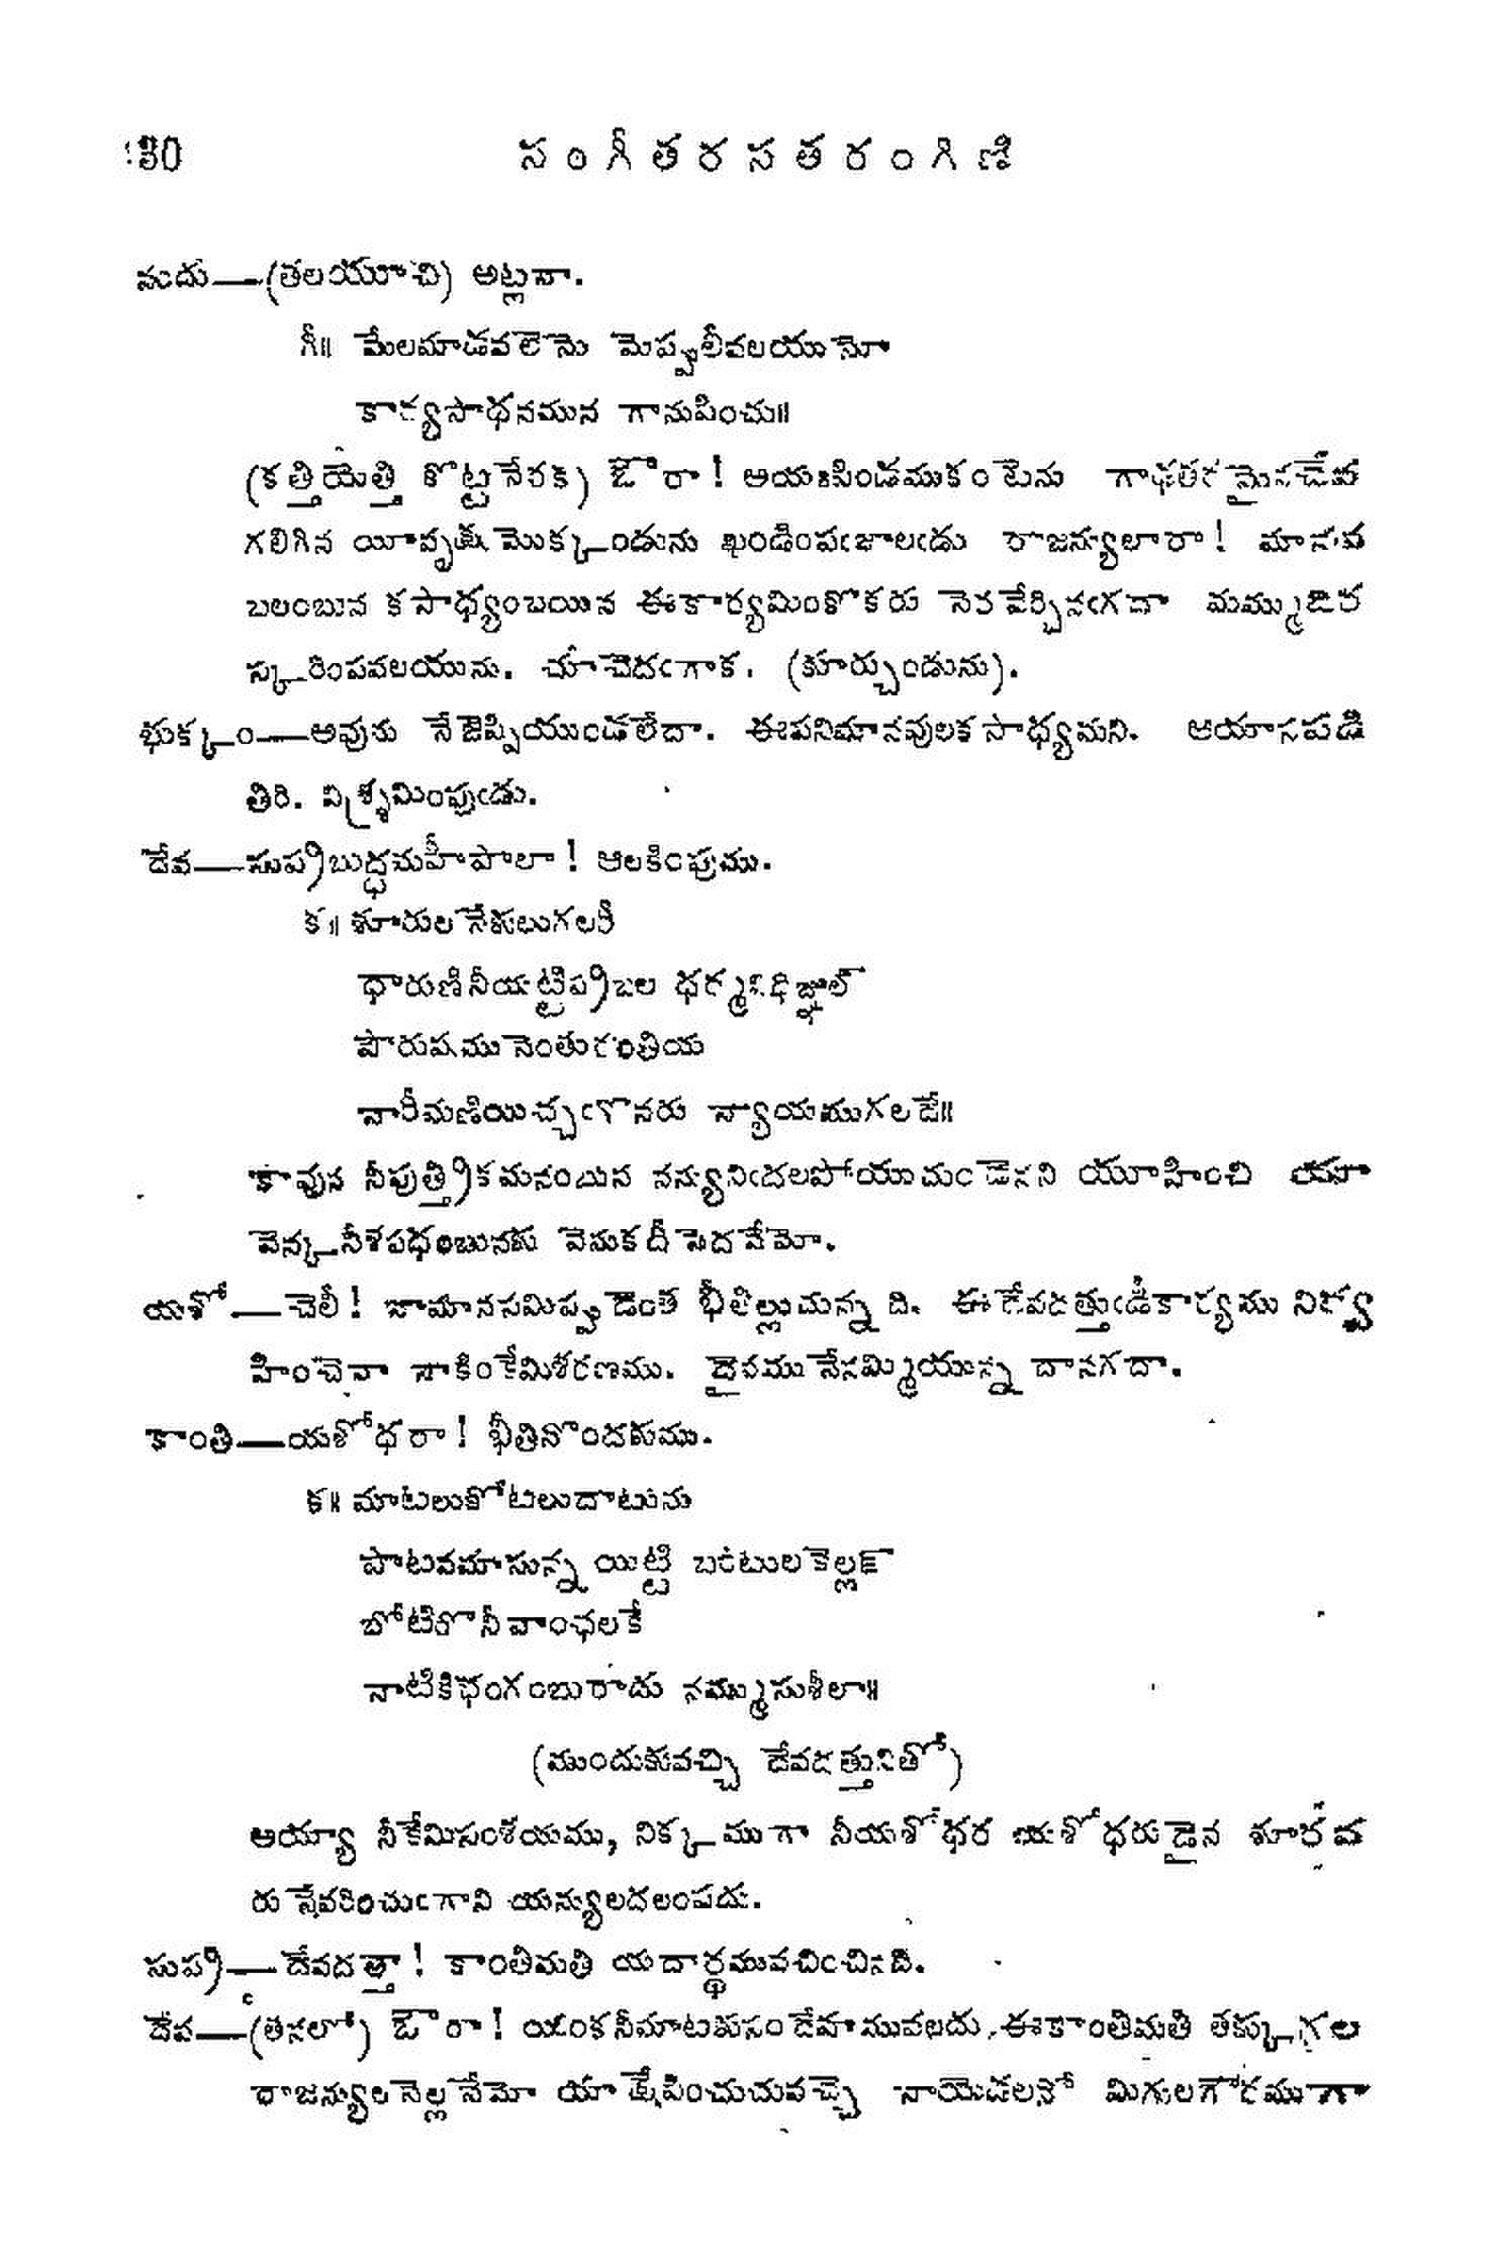నుందు - (తలయూచి) అట్లనా.

గీ॥ మేలమాడవలెను మెప్పులీవలయు మో
కార్యసాధనమున గానుపించు॥

(కత్తియెత్తి కొట్టనేరక) ఔరా! ఆయఃపిండముకంటెను గాఢతరమైనచేవ గలిగిన యీ వృక్షమొక్కండును ఖండింపఁజాలఁడు రాజన్యులారా! మానవబలంబున కసాధ్యంబయిన ఈ కార్యమింకొకరు నెరవేర్చినఁగదా మమ్ముదిరస్కరింపవలయును. చూచెదఁగాక (కూర్చుండును).

భుక్కం — అవురు నేజెప్పియుండలేదా. ఈ పనిమానవులకు సాధ్యమని. ఆయాసపడితిరి. విశ్వమింపుడు.

దేవ - సుబుద్ధమహీపాలా! ఆలకింపుము.

క॥ ళూరులసేకులుగలరీ
ధారుణినీయట్టిప్రబల ధర్మఁనిధిజ్ఞల్
పౌరుషమునెంతురంతీయ
నారీమణియిచ్చఁగొనరు న్యాయముగలదే॥

కావున నీపుత్త్రికమనంబున నన్యునిఁదలపోయుచుండెనని యూహించి యావెన్కనీశపధంబునకు వెసుకదీసెదవేమో.

యశో — చెలీ! నామానసమిప్పుడెంత భీతిల్లుచున్నది. ఈ దేవదత్తుఁడి కార్యము నిర్వహించెవా నాకింకేమిశరణము. దైవమునేనమ్మియున్న దానగదా.

కాంతి — యశోధరా! భీతినొందకుము.

క॥ మాటలుకోటలు దాటును
పాటవమాసున్న యిట్టి బంటుల కెల్ల
బోటికొనీ వాంఛలకే
నాటికి భంగంబురాదు నమ్ముసుశీలా॥ 

అయ్యా నీకేమిసంశయము, నిక్కముగా నీయశోధర యశోధరుడైన శూరవరు సేవరించుఁగాని యన్యులదలంపదు.

సుప్ర — దేవదత్తా ! కాంతీమతి యదార్థమువచించింది.

దేవ — (తనలో) ఔరా! యింక నీమాటకుసందేహమువలదు, ఈకాంతిమతి తక్కుగల రాజన్యులనెల్లనేమో యాక్షేపించుచువచ్చె 
నాయెడలనొ మిగులగౌరముగా